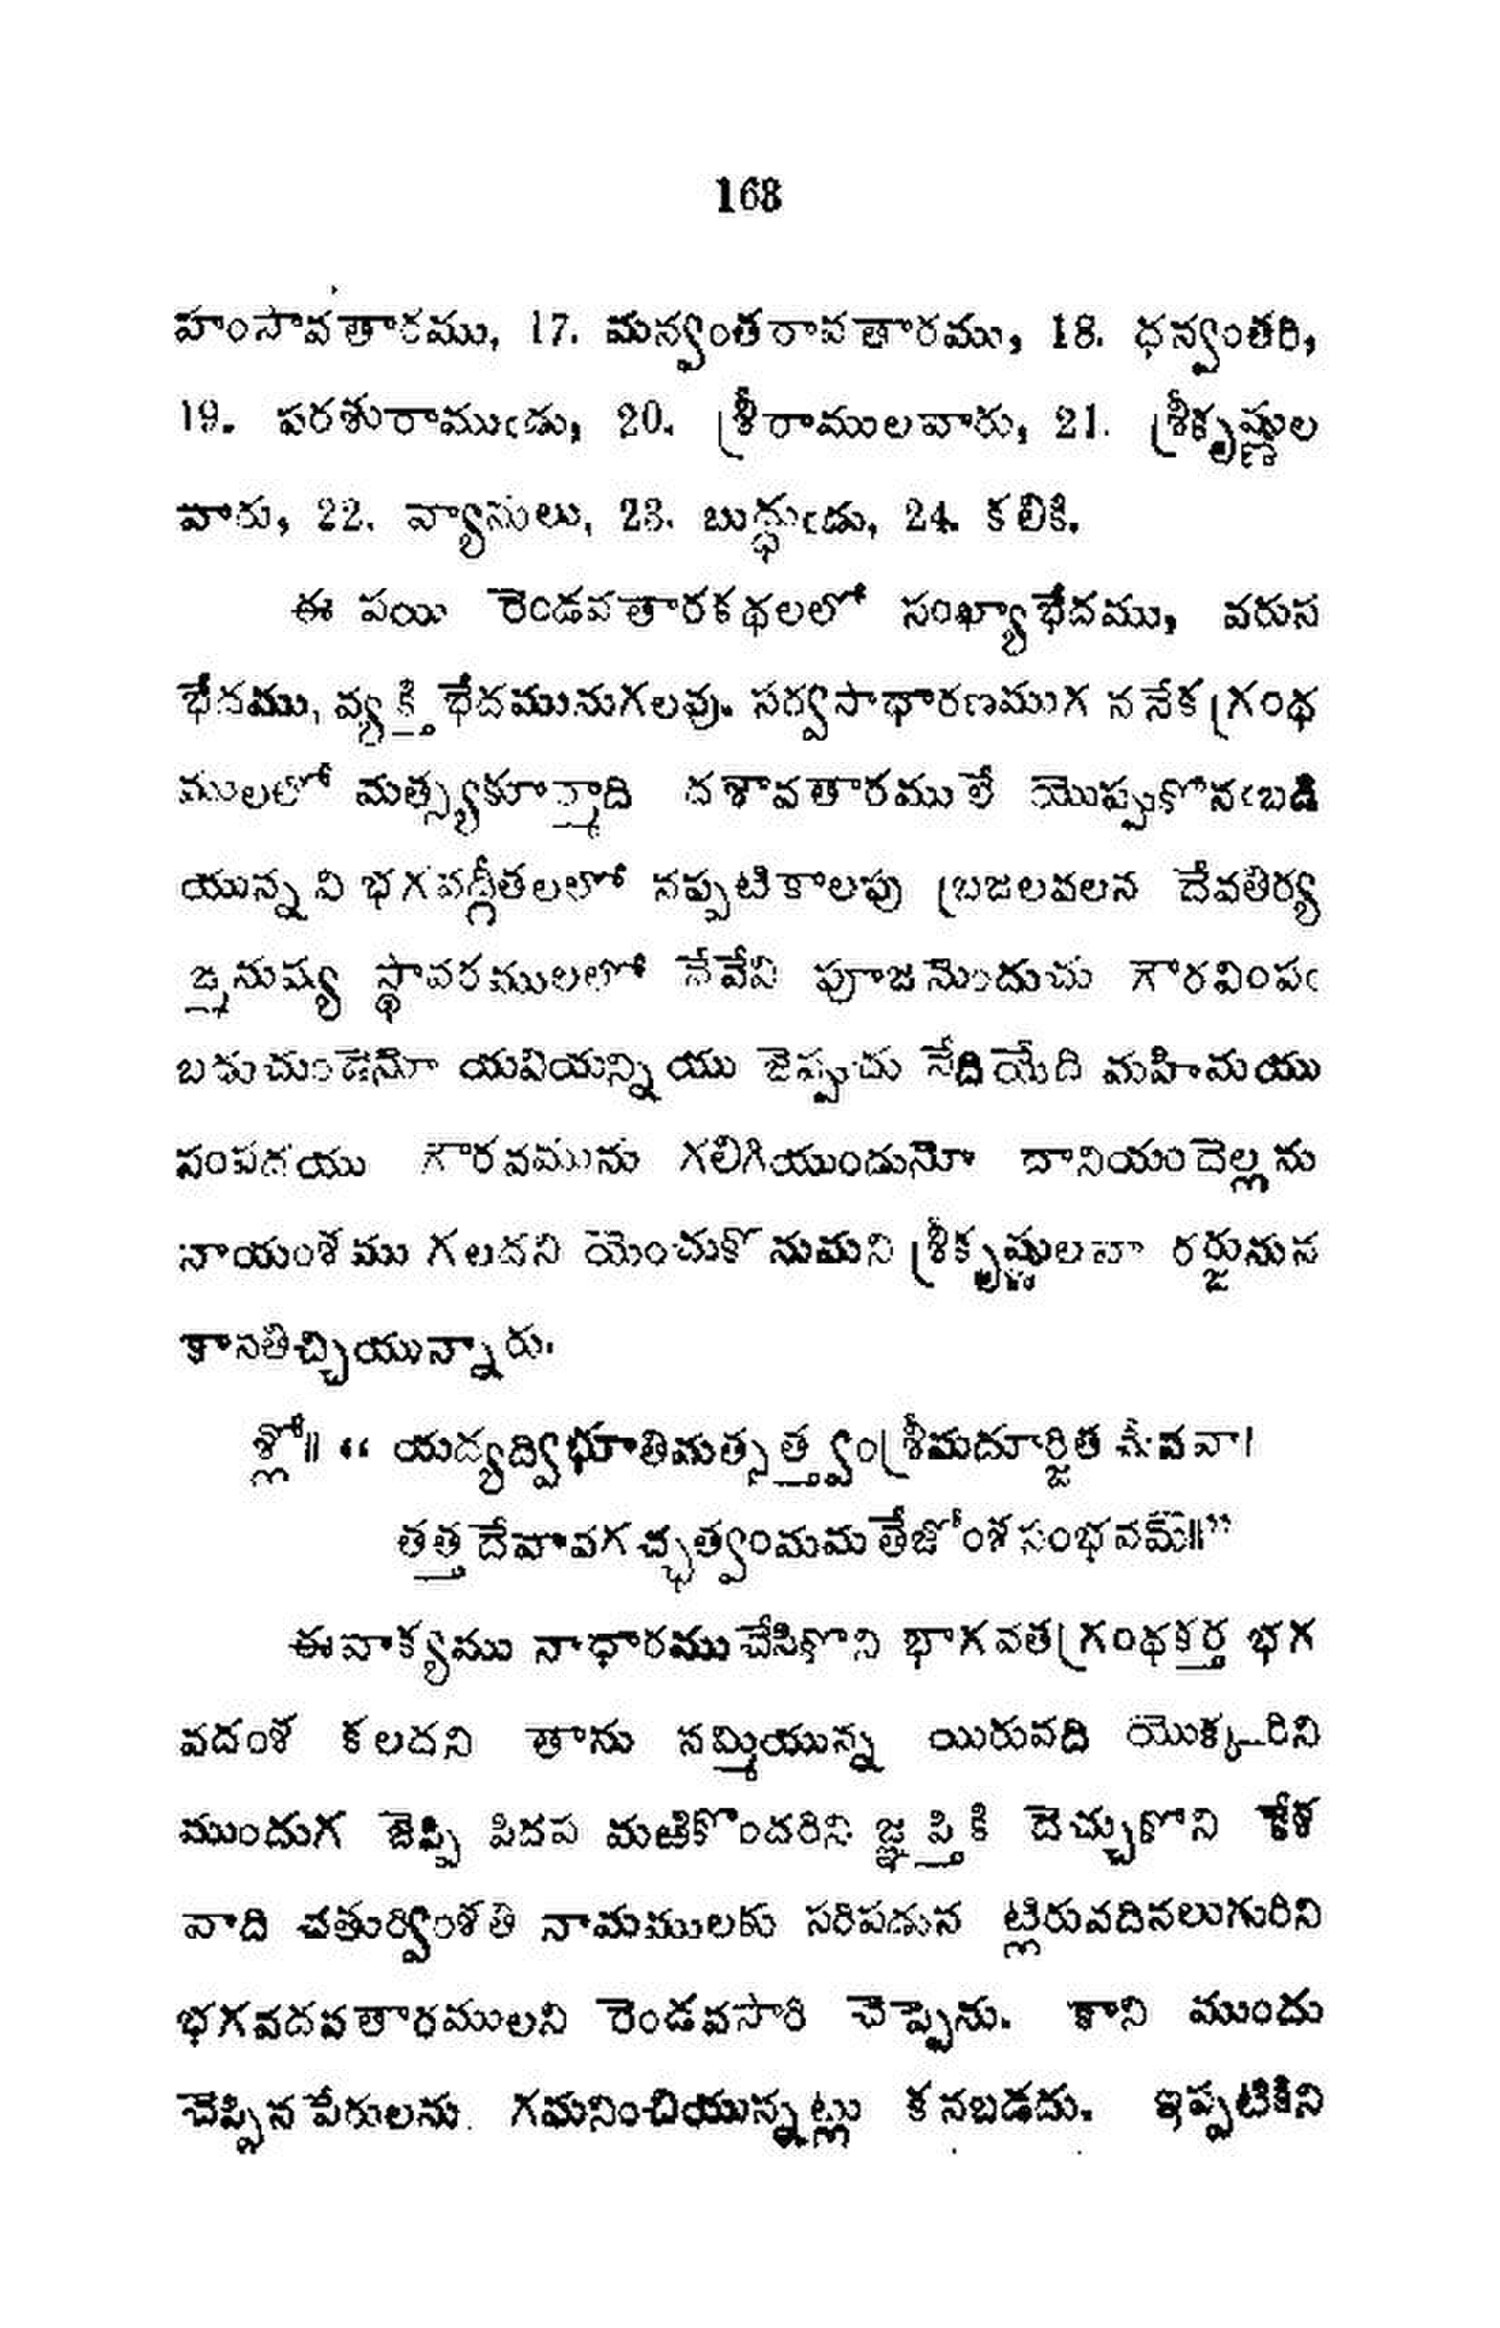హంసావతారము, 17. మన్వంతరావతారము, 18. ధన్వంతరి, 19. పరశురాముఁడు, 20. శ్రీరాములవారు, 21. శ్రీకృష్ణులవారు, 22. వ్యాసులు, 23. బుద్ధుడు, 24 కలికి.

ఈ పయి రెండవతారకథలలో సంఖ్యా భేదము, వరుసభేదము, వ్యక్తి భేదమునుగలవు. సర్వసాధారణముగ ననేక గ్రంథములలో మత్స్యకూర్మాది దశావతారములే యొప్పుకొనఁబడి యున్నవి భగవద్గీతలలో నప్పటికాలపు బ్రజలవలన దేవతిర్యఙ్మనుష్య స్థావరములలో నేవేవి పూజనొందుచు గౌరవింపఁ బడుచుండెనో యవియన్నియు జెప్పుచు నేదియేది మహిమయు సంపదయు గౌరవమును గలిగియుండునో దానియందెల్లను నాయంశము గలదని యెంచుకొనుమని శ్రీకృష్ణులవా రర్జునున
కానతిచ్చియున్నారు.

శ్లో. "యద్యద్విభూతిమత్సత్త్వం శ్రీమదూర్జిత మేవవా!
 తత్తదేవావగచ్ఛత్వంమమతేజోంశసంభవమ్ !!"
ఈవాక్యము నాధారముచేసికొని భాగవతగ్రంథకర్త భగవదంశ కలదని తాను నమ్మియున్న యిరువది యొక్కరిని ముందుగ జెప్పి పిదప మఱికొందరిని జ్ఞప్తికి దెచ్చుకొని కేశవాది చతుర్వింశతి నామములకు సరిపడున ట్లిరువదినలుగురిని భగవదవతారములని రెండవసారి చెప్పెను. కాని ముందు చెప్పిన పేరులను గమనించియున్నట్లు కనబడదు. ఇప్పటికిని